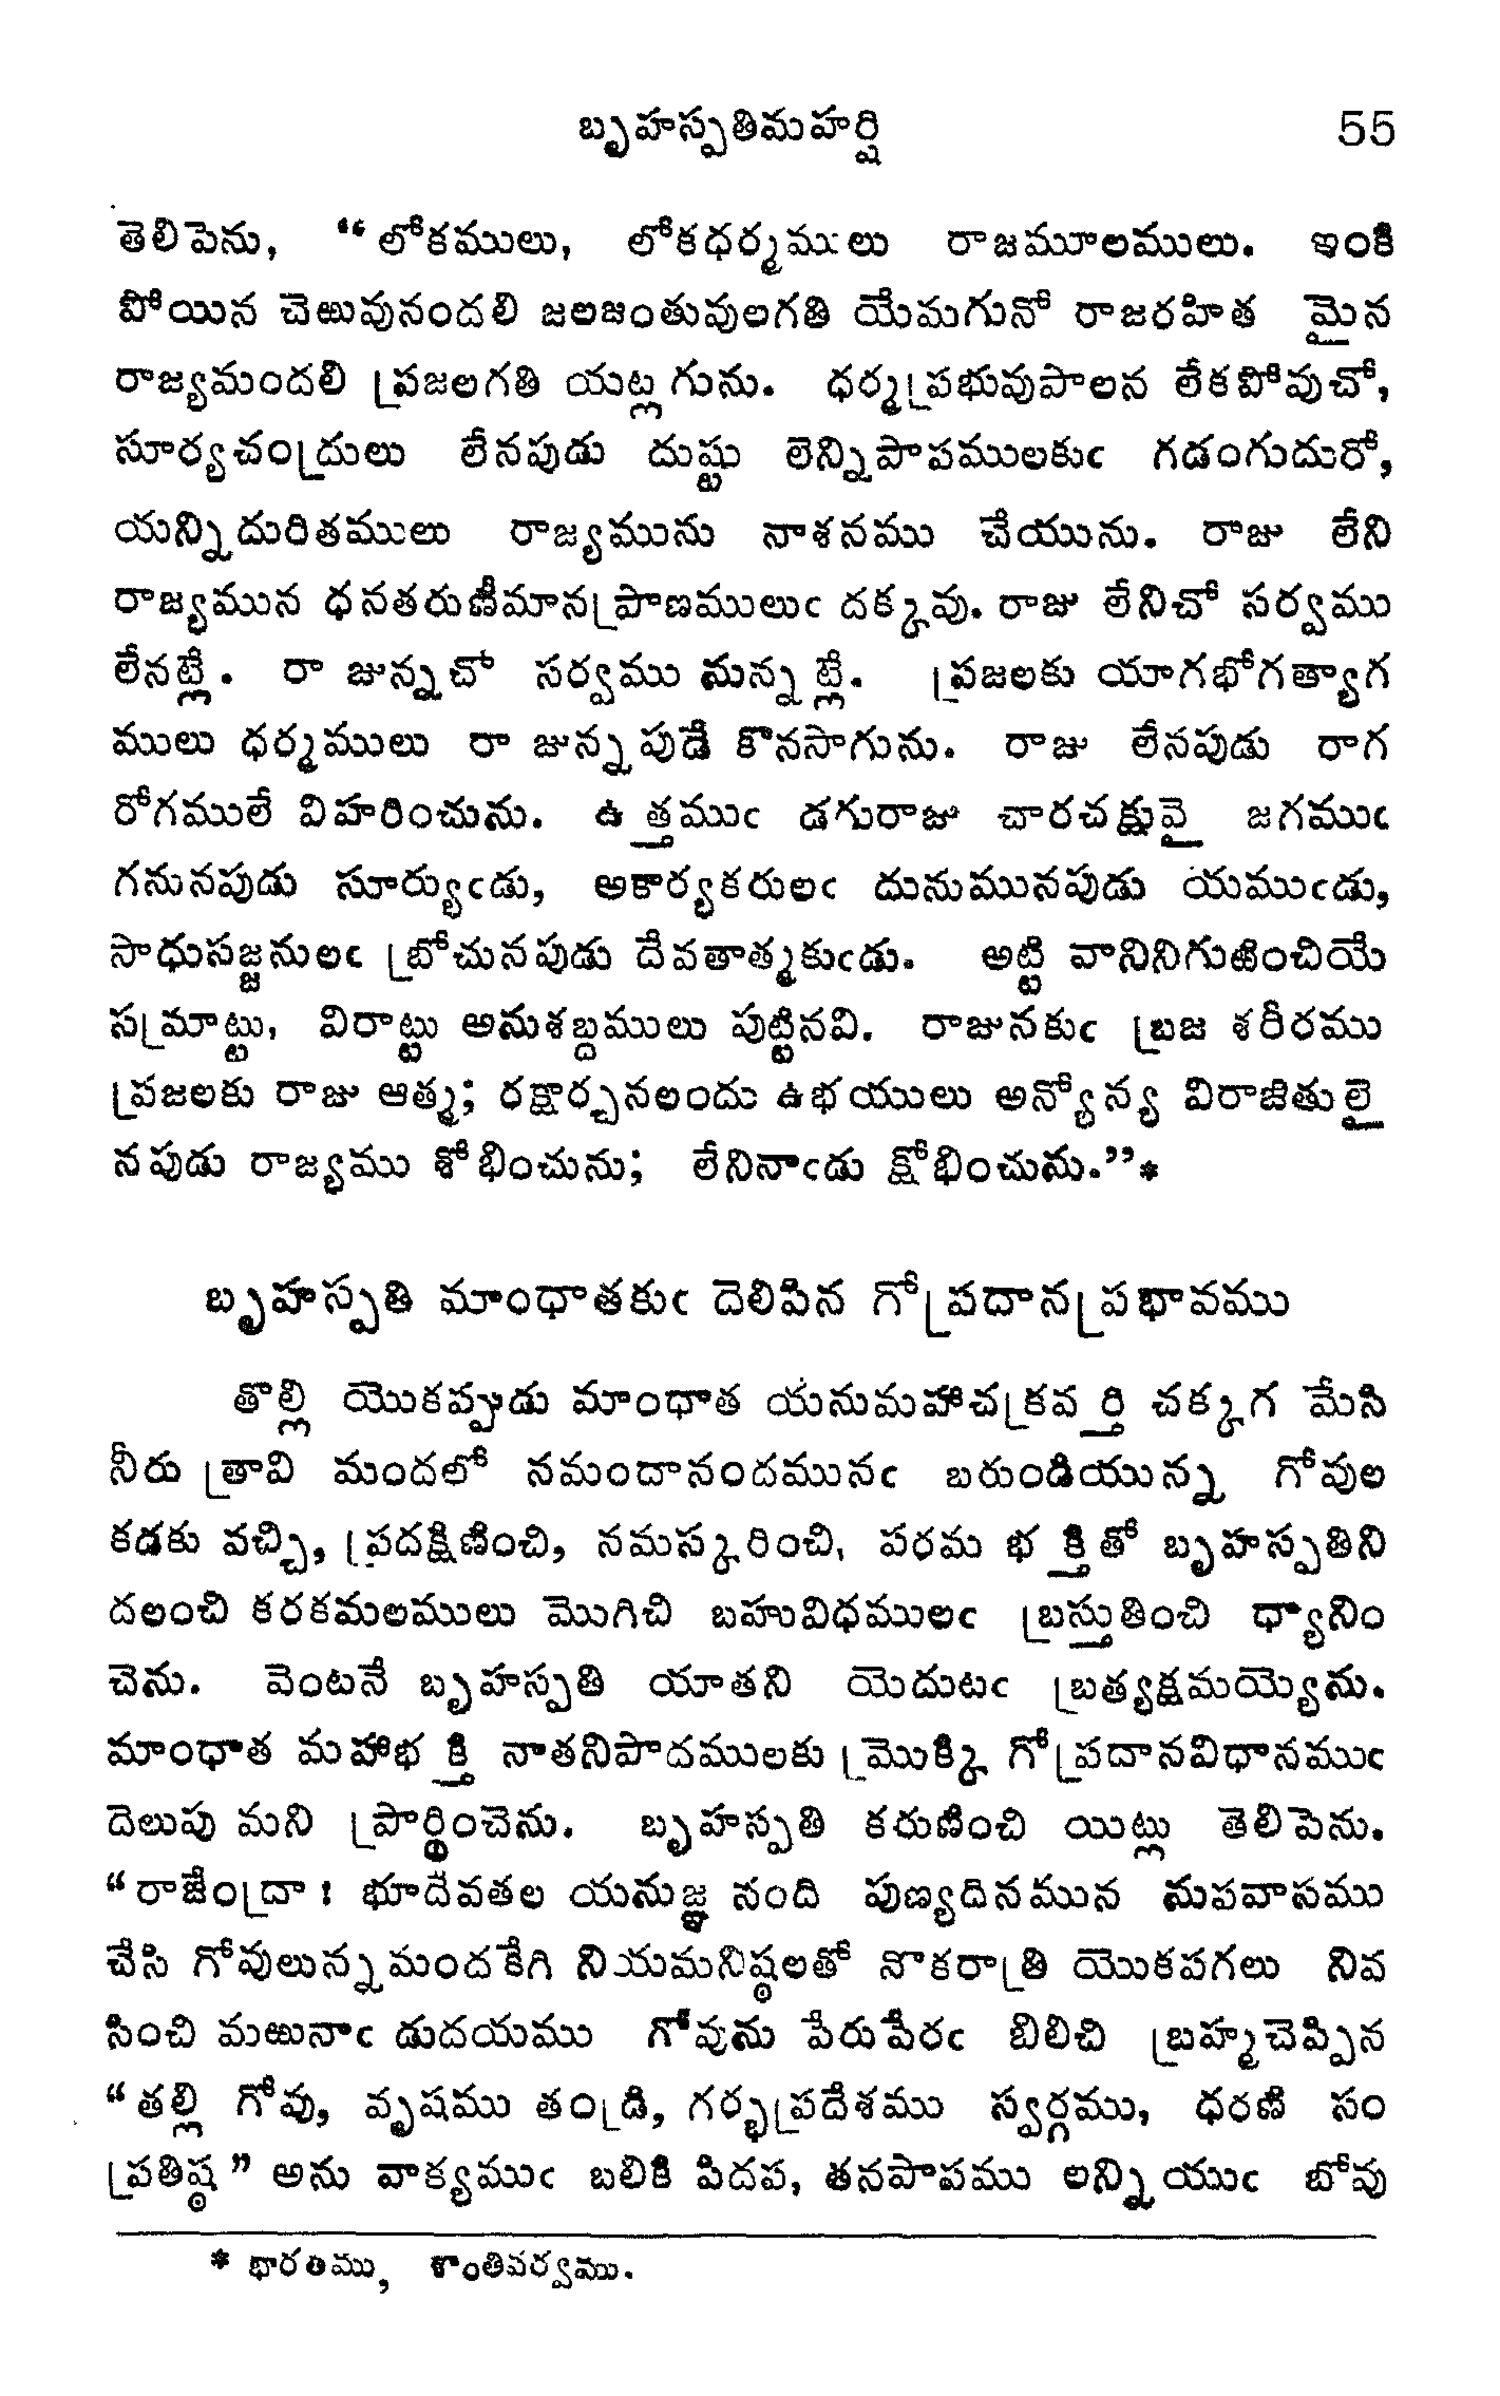తెలిపెను, “లోకములు, లోకధర్మములు రాజమూలములు. ఇంకిపోయిన చెఱువునందలి జలజంతువులగతి యేమగునో రాజరహిత మైన రాజ్యమందలి ప్రజలగతి యట్ల గును. ధర్మప్రభువుపాలన లేకపోవుచో, సూర్యచంద్రులు లేనపుడు దుష్టు లెన్ని పాపములకుఁ గడంగుదురో, యన్నిదురితములు రాజ్యమును నాశనము చేయును. రాజు లేని రాజ్యమున ధనతరుణీమానప్రాణములుఁ దక్కవు. రాజు లేనిచో సర్వము లేనట్లే . రా జున్నచో సర్వము నున్నట్లే. ప్రజలకు యాగభోగత్యాగములు ధర్మములు రా జున్నపుడే కొనసాగును. రాజు లేనపుడు రాగ రోగములే విహరించును. ఉత్తముఁ డగురాజు చారచక్షువై జగముఁ గనునపుడు సూర్యుఁడు, అకార్యకరులఁ దునుమునపుడు యముఁడు, సాధుసజ్జనులఁ బ్రోచునపుడు దేవతాత్మకుఁడు. అట్టి వానినిగుఱించియే సమ్రాట్టు, విరాట్టు అనుశబ్దములు పుట్టినవి. రాజునకుఁ బ్రజ శరీరము ప్రజలకు రాజు ఆత్మ; రక్షార్చనలందు ఉభయులు అన్యోన్య విరాజితులై నపుడు రాజ్యము శోభించును; లేనినాఁడు క్షోభించును.” *

బృహస్పతి మాంధాతకుఁ దెలిపిన గోప్రదానప్రభావము

తొల్లి యొకప్పుడు మాంధాత యనుమహాచక్రవర్తి చక్కగ మేసి నీరు త్రావి మందలో నమందానందమునఁ బరుండియున్న గోవుల కడకు వచ్చి, ప్రదక్షిణించి, నమస్కరించి, పరమ భక్తితో బృహస్పతిని దలంచి కరకమలములు మొగిచి బహువిధములఁ బ్రస్తుతించి ధ్యానించెను. వెంటనే బృహస్పతి యాతని యెదుటఁ బ్రత్యక్షమయ్యెను. మాంధాత మహాభ క్తి నాతనిపాదములకు మొక్కి గోప్రదానవిధానముఁ దెలుపు మని ప్రార్థించెను. బృహస్పతి కరుణించి యిట్లు తెలిపెను. “రాజేంద్రా! భూదేవతల యనుజ్జ నంది పుణ్యదినమున నుపవాసము చేసి గోవులున్న మందకేగి నియమనిష్ఠలతో నొకరాత్రి యొకపగలు నివసించి మఱునాఁ డుదయము గోవును పేరుపేరఁ బిలిచి బ్రహ్మ చెప్పిన "తల్లి గోవు, వృషము తండ్రి, గర్భప్రదేశము స్వర్గము, ధరణి సంప్రతిష్ఠ " అను వాక్యముఁ బలికి పిదప, తనపాపము లన్నియుఁ బోవు